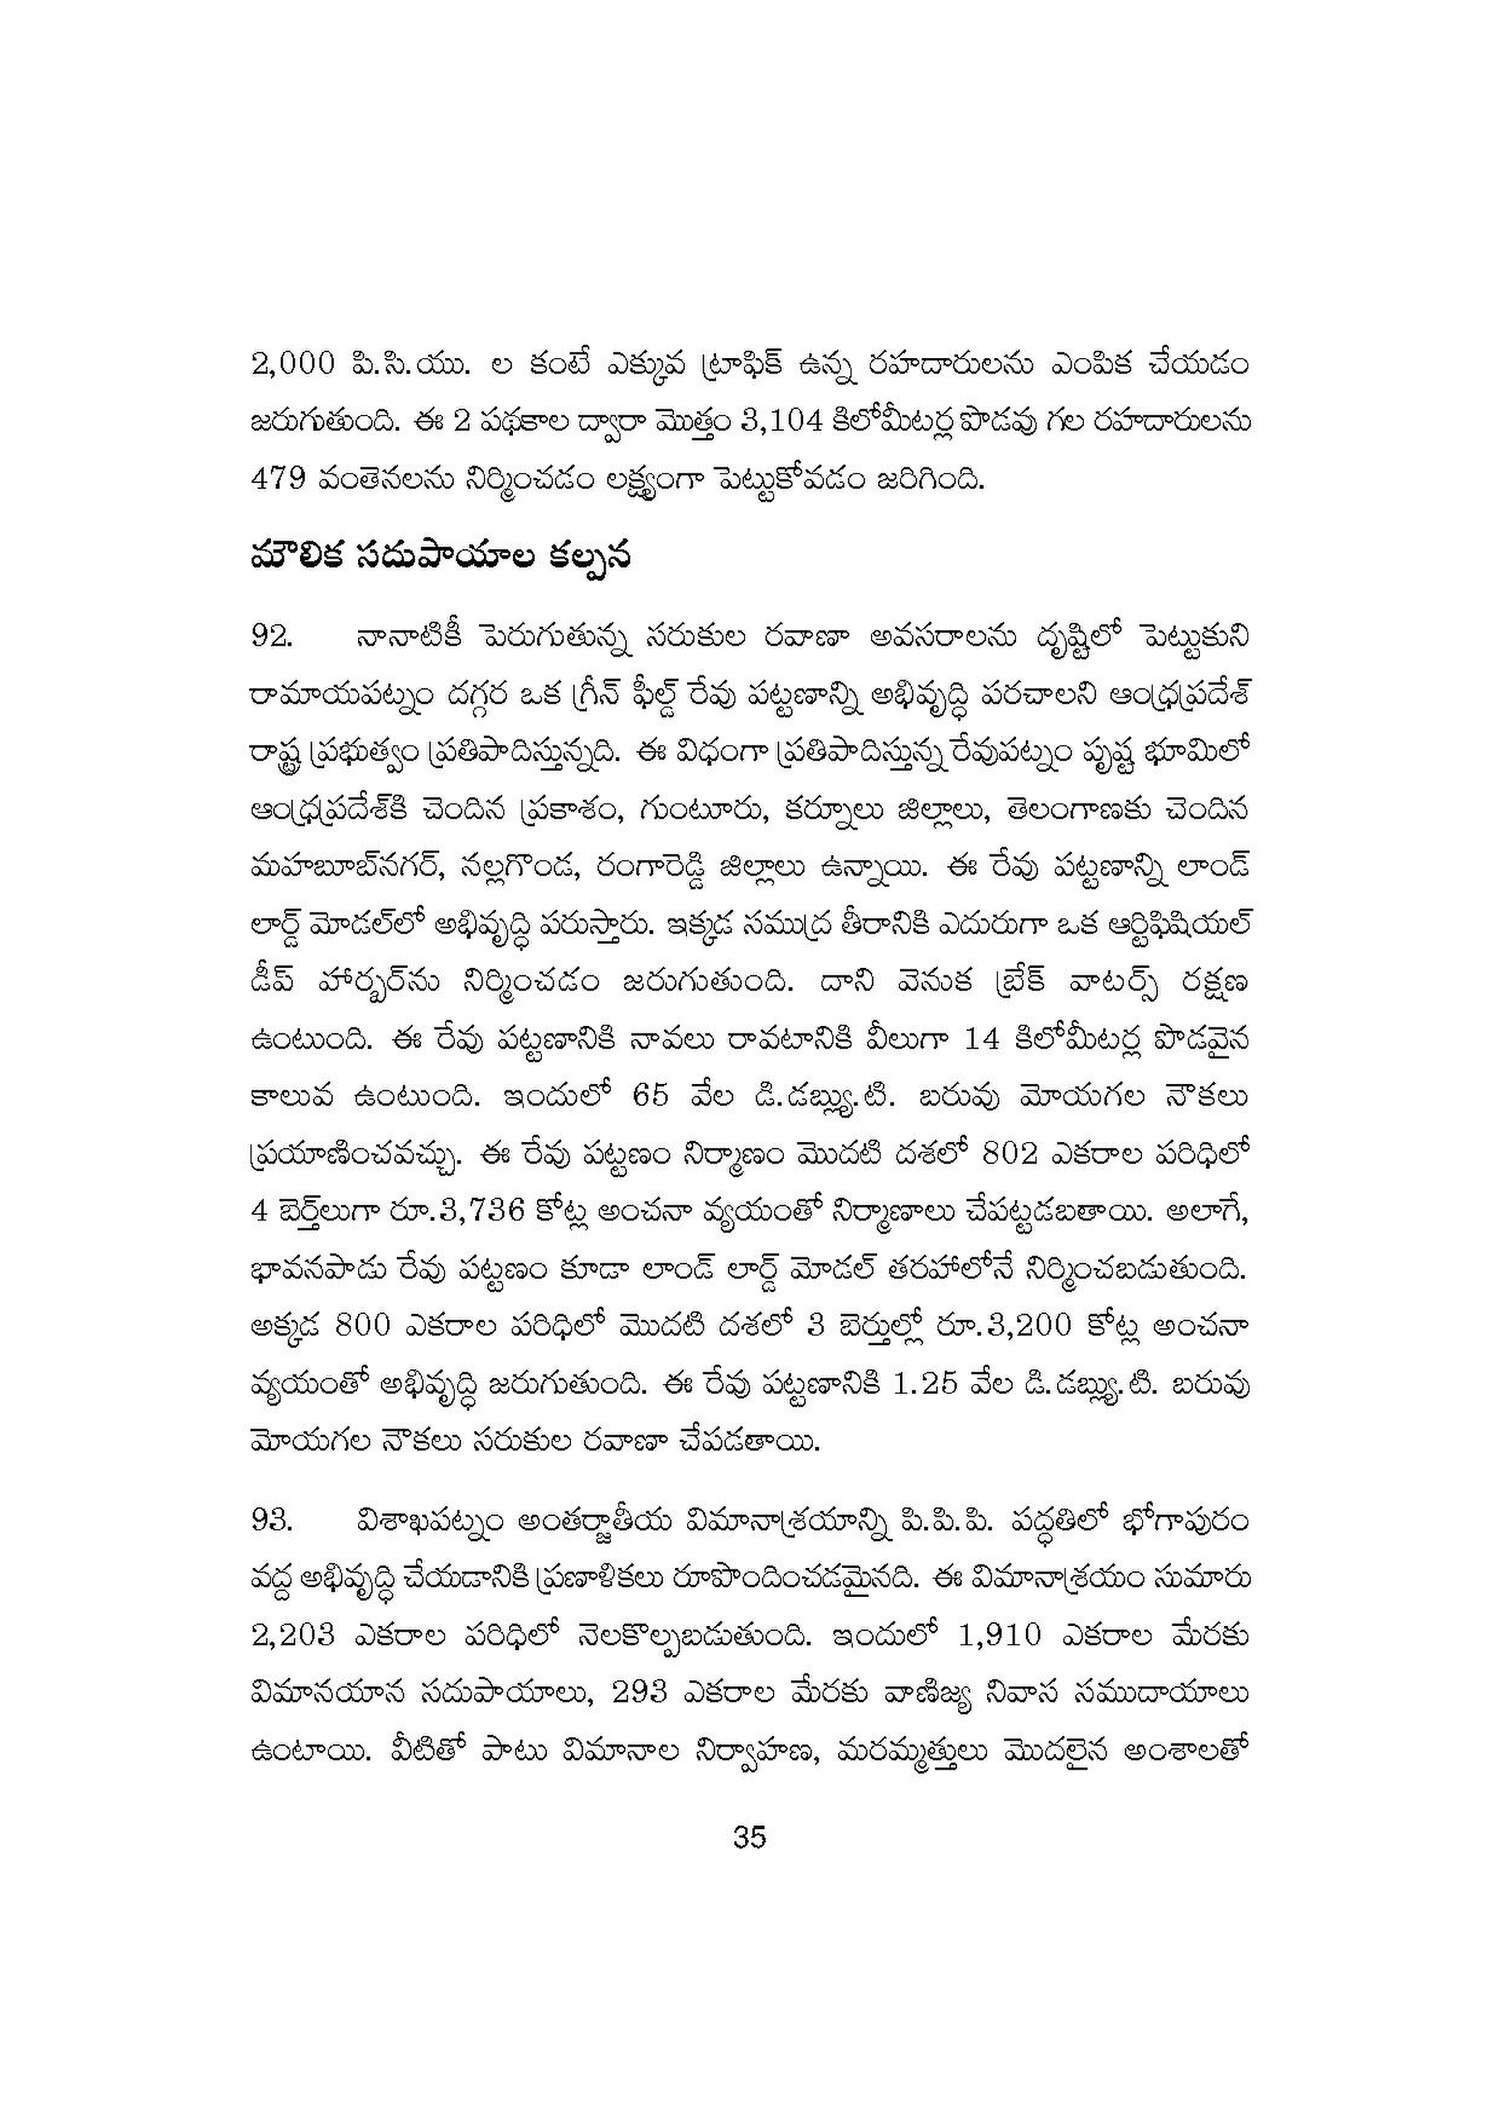2,000 పి.సి.యు. ల కంటే ఎక్కువ ట్రాఫిక్ ఉన్న రహదారులను ఎంపిక చేయడం జరుగుతుంది. ఈ 2 పథకాల ద్వారా మొత్తం 3,104 కిలోమీటర్ల పొడవు గల రహదారులను 479 వంతెనలను నిర్మించడం లక్ష్యంగా పెట్టుకోవడం జరిగింది.

మౌలిక సదుపాయాల కల్పన 

92. నానాటికీ పెరుగుతున్న సరుకుల రవాణా అవసరాలను దృష్టిలో పెట్టుకుని రామాయపట్నం దగ్గర ఒక గ్రీన్ ఫీల్డ్ రేవు పట్టణాన్ని అభివృద్ధి పరచాలని ఆంధ్రప్రదేశ్ రాష్ట్ర ప్రభుత్వం ప్రతిపాదిస్తున్నది. ఈ విధంగా ప్రతిపాదిస్తున్న రేవుపట్నం పృష్ట భూమిలో ఆంధ్రప్రదేశ్ కి చెందిన ప్రకాశం, గుంటూరు, కర్నూలు జిల్లాలు, తెలంగాణకు చెందిన మహబూబ్ నగర్, నల్లగొండ, రంగారెడ్డి జిల్లాలు ఉన్నాయి. ఈ రేవు పట్టణాన్ని లాండ్ లార్డ్ మోడల్ లో అభివృద్ధి పరుస్తారు. ఇక్కడ సముద్ర తీరానికి ఎదురుగా ఒక ఆర్టిఫిషియల్ డీప్ హార్బర్‌ను నిర్మించడం జరుగుతుంది. దాని వెనుక బ్రేక్ వాటర్స్ రక్షణ ఉంటుంది. ఈ రేవు పట్టణానికి నావలు రావటానికి వీలుగా 14 కిలోమీటర్ల పొడవైన కాలువ ఉంటుంది. ఇందులో 65 వేల డి.డబ్ల్యు.టి. బరువు మోయగల నౌకలు ప్రయాణించవచ్చు. ఈ రేవు పట్టణం నిర్మాణం మొదటి దశలో 802 ఎకరాల పరిధిలో 4 బెర్త్ లుగా రూ.3,736 కోట్ల అంచనా వ్యయంతో నిర్మాణాలు చేపట్టడబతాయి. అలాగే,
భావనపాడు రేవు పట్టణం కూడా లాండ్ లార్డ్ మోడల్ తరహాలోనే నిర్మించబడుతుంది. అక్కడ 800 ఎకరాల పరిధిలో మొదటి దశలో 3 బెర్తుల్లో రూ.3,200 కోట్ల అంచనా వ్యయంతో అభివృద్ధి జరుగుతుంది. ఈ రేవు పట్టణానికి 1.25 వేల డి. డబ్ల్యు.టి. బరువు
మోయగల నౌకలు సరుకుల రవాణా చేపడతాయి. 

93. విశాఖపట్నం అంతర్జాతీయ విమానాశ్రయాన్ని పి.పి.పి. పద్ధతిలో భోగాపురం వద్ద అభివృద్ధి చేయడానికి ప్రణాళికలు రూపొందించడమైనది. ఈ విమానాశ్రయం సుమారు 2,203 ఎకరాల పరిధిలో నెలకొల్పబడుతుంది. ఇందులో 1,910 ఎకరాల మేరకు విమానయాన సదుపాయాలు, 293 ఎకరాల మేరకు వాణిజ్య నివాస సముదాయాలు ఉంటాయి. వీటితో పాటు విమానాల నిర్వాహణ, మరమ్మత్తులు మొదలైన అంశాలతో